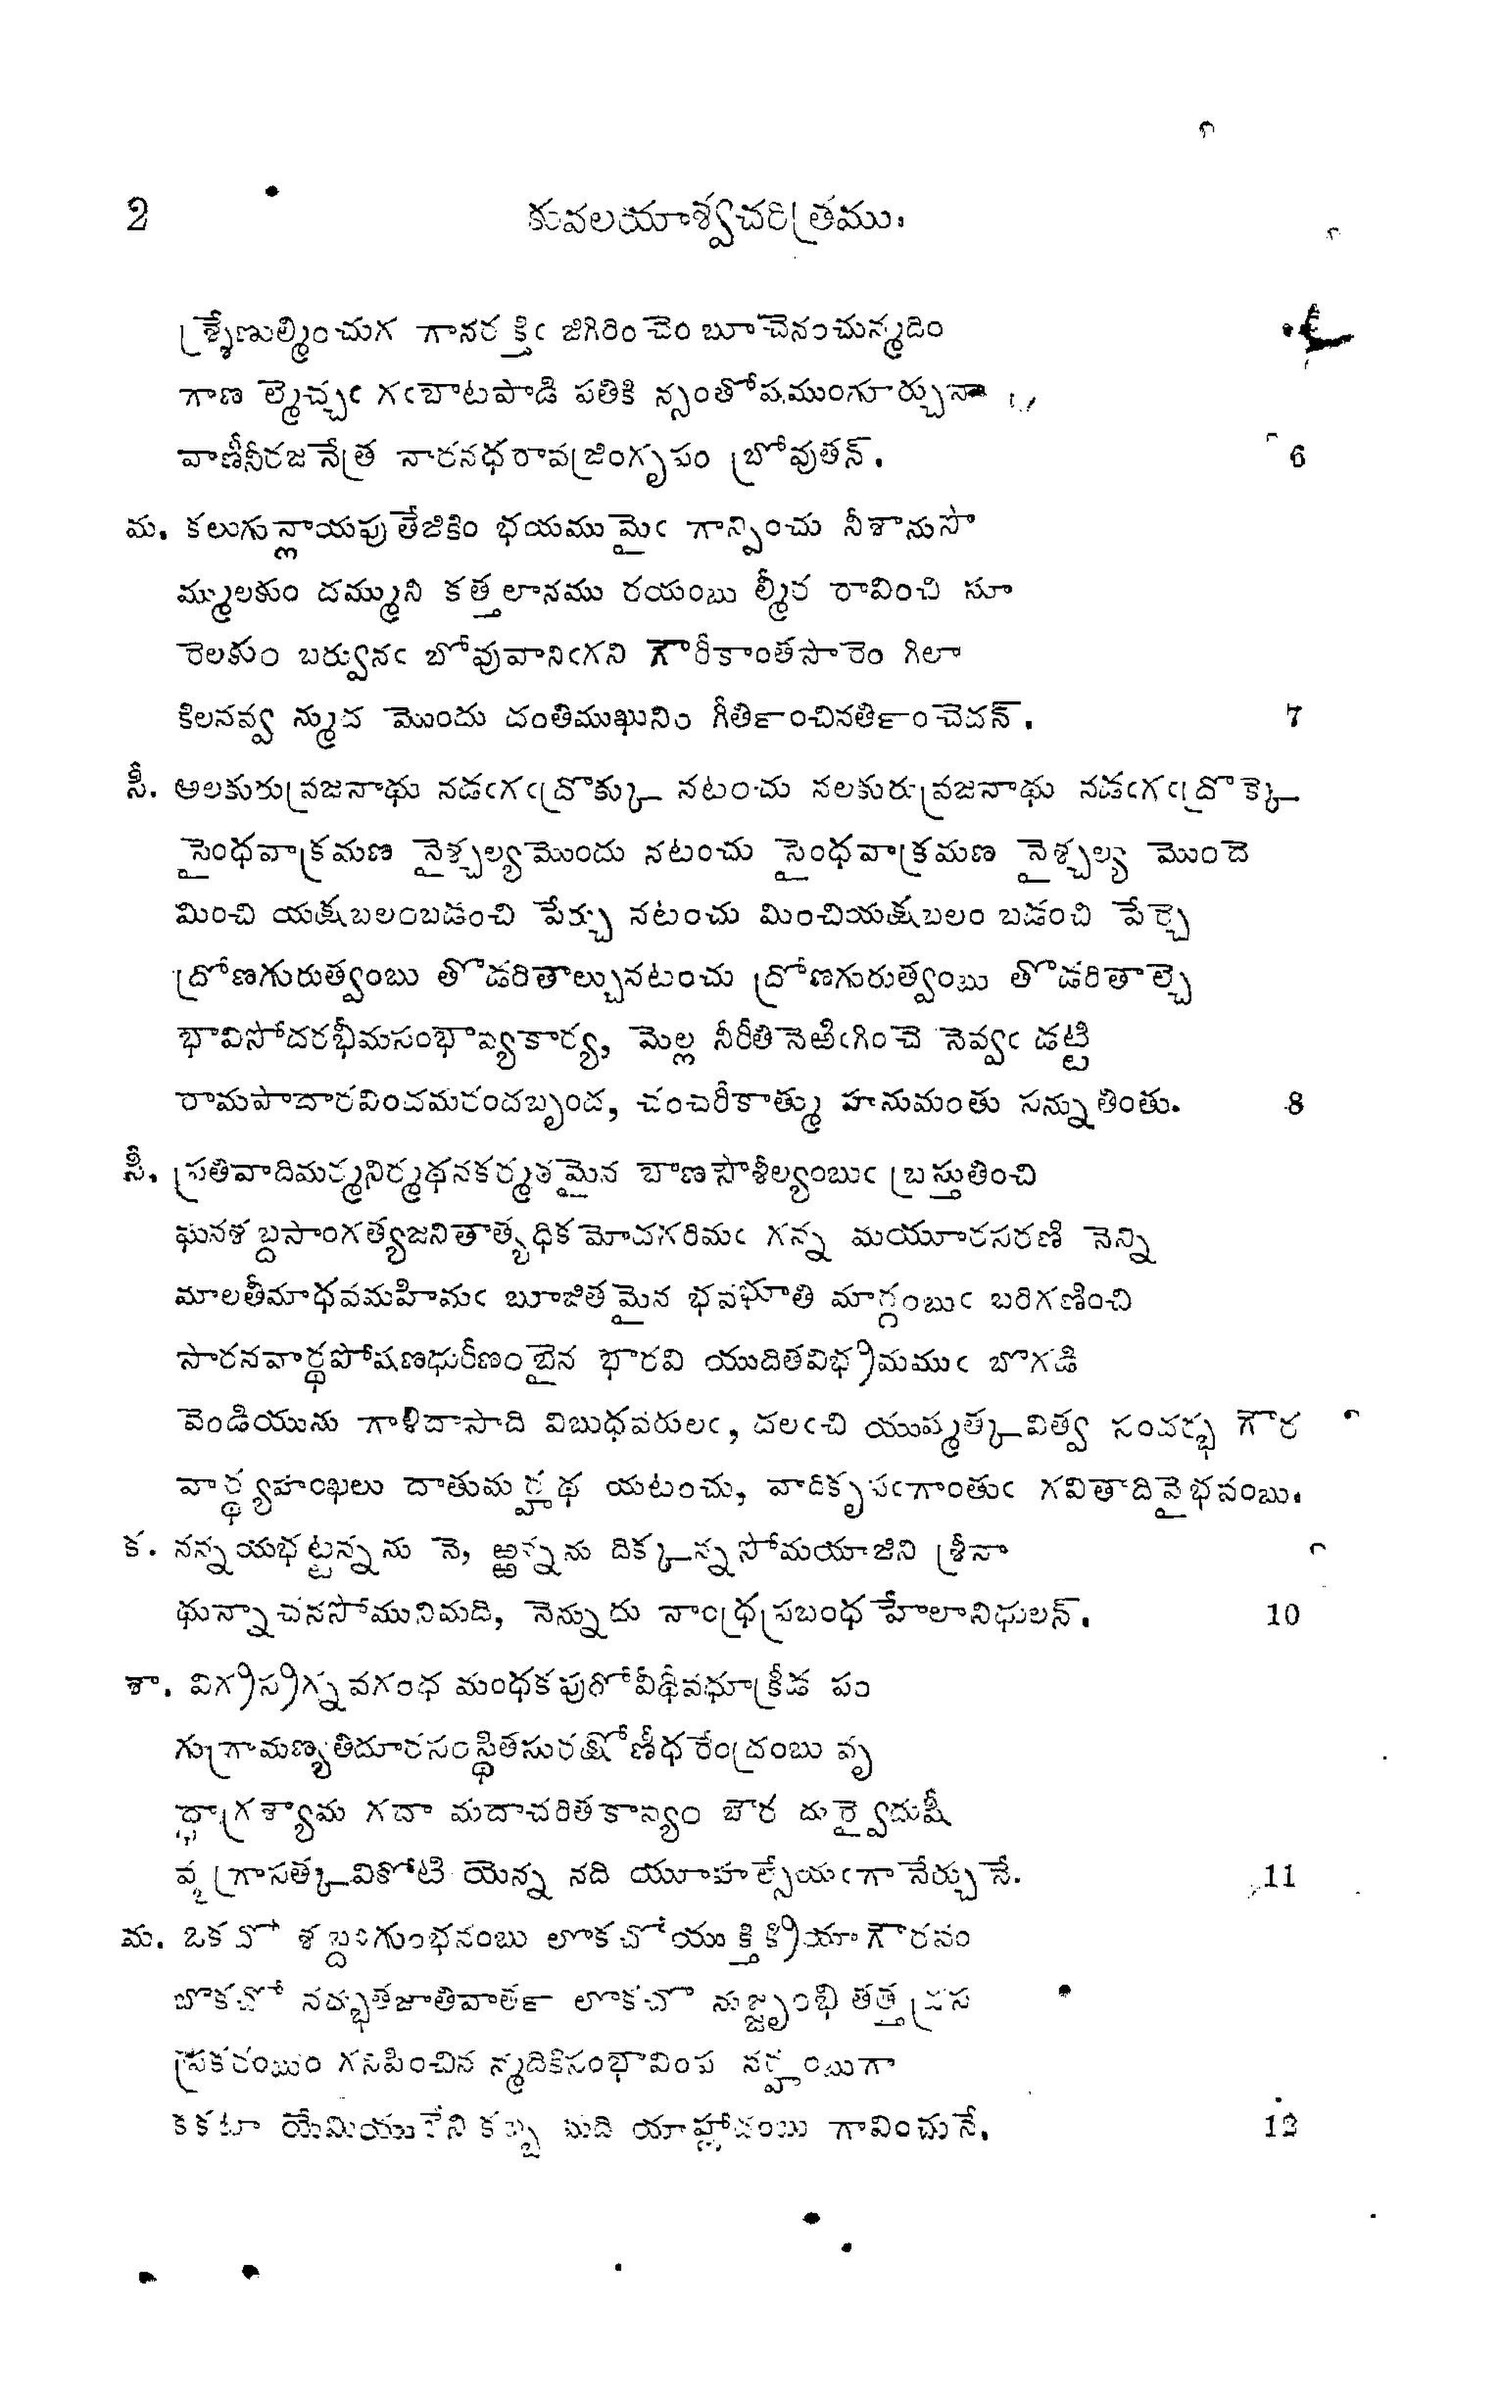శ్రేణు ల్మించుగ గానర క్తిఁ జిగిరించెం బూచెనంచు న్మదిం
గాణ ల్మెచ్చఁగఁ బాటపాడి పతికి న్సంతోషముం గూర్చునా
వాణీనీరజనేత్ర నారనధరావజ్రిం గృపం బ్రోవుతన్.
మ. కలుగు న్లాయపుతేజికిం భయముమైఁ గాన్పించు నీశానుసొ
మ్ములకుం దమ్ముని కత్తలానము రయంబు ల్మీర రావించి సూ
రెలకుం బర్వునఁ బోవువానిఁ గని గౌరీకాంత సారెం గిలా
కిల నవ్వ న్ముద మొందు దంతిముఖునిం గీర్తించి నర్తించెదన్.
సీ. అలకురువ్రజనాథు నడఁగఁదొక్కు నటంచు నలకురువ్రజనాథు నడఁగఁద్రొక్కె
సైంధవాక్రమణ నైశ్చల్య మొందు నటంచు సైంధవాక్రమణ నైశ్చల్య మొందె
మించి యక్షబలం బడంచి పేర్చు నటంచు మించి యక్షబలం బడంచి పేర్చె
ద్రోణగురుత్వంబు తొడరితాల్చునటంచు ద్రోణగురుత్వంబు తొడరితాల్చె
భావిసోదరభీమసంభావ్యకార్య, మెల్ల నీరీతి నెఱిఁగించె నెవ్వఁ డట్టి
రామపాదారవిందమరందబృంద, చంచరీకాత్ము హనుమంతు సన్నుతింతు.
సీ. ప్రతివాదిమర్మనిర్మథనకర్మఠమైన బాణసౌశీల్యంబుఁ బ్రస్తుతించి
ఘనశబ్దసాంగత్యజనితాత్యధికమోదగరిమఁ గన్న మయూరసరణి నెన్ని
మాలతీమాధవమహిమఁ బూజితమైన భవభూతిమార్గంబుఁ బరిగణించి
సారనవార్థపోషణధురీణంబైన భారవి యుదితవిభ్రమముఁ బొగడి
వెండియును గాళిదాసాదివిబుధవరులఁ, దలఁచి యుష్మత్కవిత్వసందర్భగౌరళ
వార్థ్యహంఖలు దాతుమర్హథ యటంచు, వారికృపఁ గాంతుఁ గవితాదివైభవంబు.
క. నన్నయభట్టన్నను నె, ఱ్ఱన్నను దిక్కన్నసోమయాజిని శ్రీనా
థు న్నాచనసోముని మది, నెన్నుదు నాంధ్రప్రబంధహేలానిధులన్.
శా. విగ్రస్రగ్నవగంధమంధకపురోవీథీవధూక్రీడ పం
గుగ్రామణ్యతిదూరసంస్థితసురక్షోణీధరేంద్రంబు వృ
ద్ధాగ్రశ్యామ గదా మదాచరితకావ్యం బౌర దుర్వైదుషీ
వ్యగ్రాసత్కవికోటి యెన్న నది యూహ ల్సేయఁగా నేర్చునే.
మ. ఒకచో శబ్దంగుంభనంబు లొకచో యుక్తిక్రియాగౌరవం
బొకచో నద్భుతజాతివార్త లొకచో నుజ్జృంభితత్తద్రస
ప్రకరంబుం గనిపించిన న్మదికి సంభావింప నర్హంబుగా
కకటా యేమియు లేని కబ్బ మది యాహ్లాదంబు గావించునే.